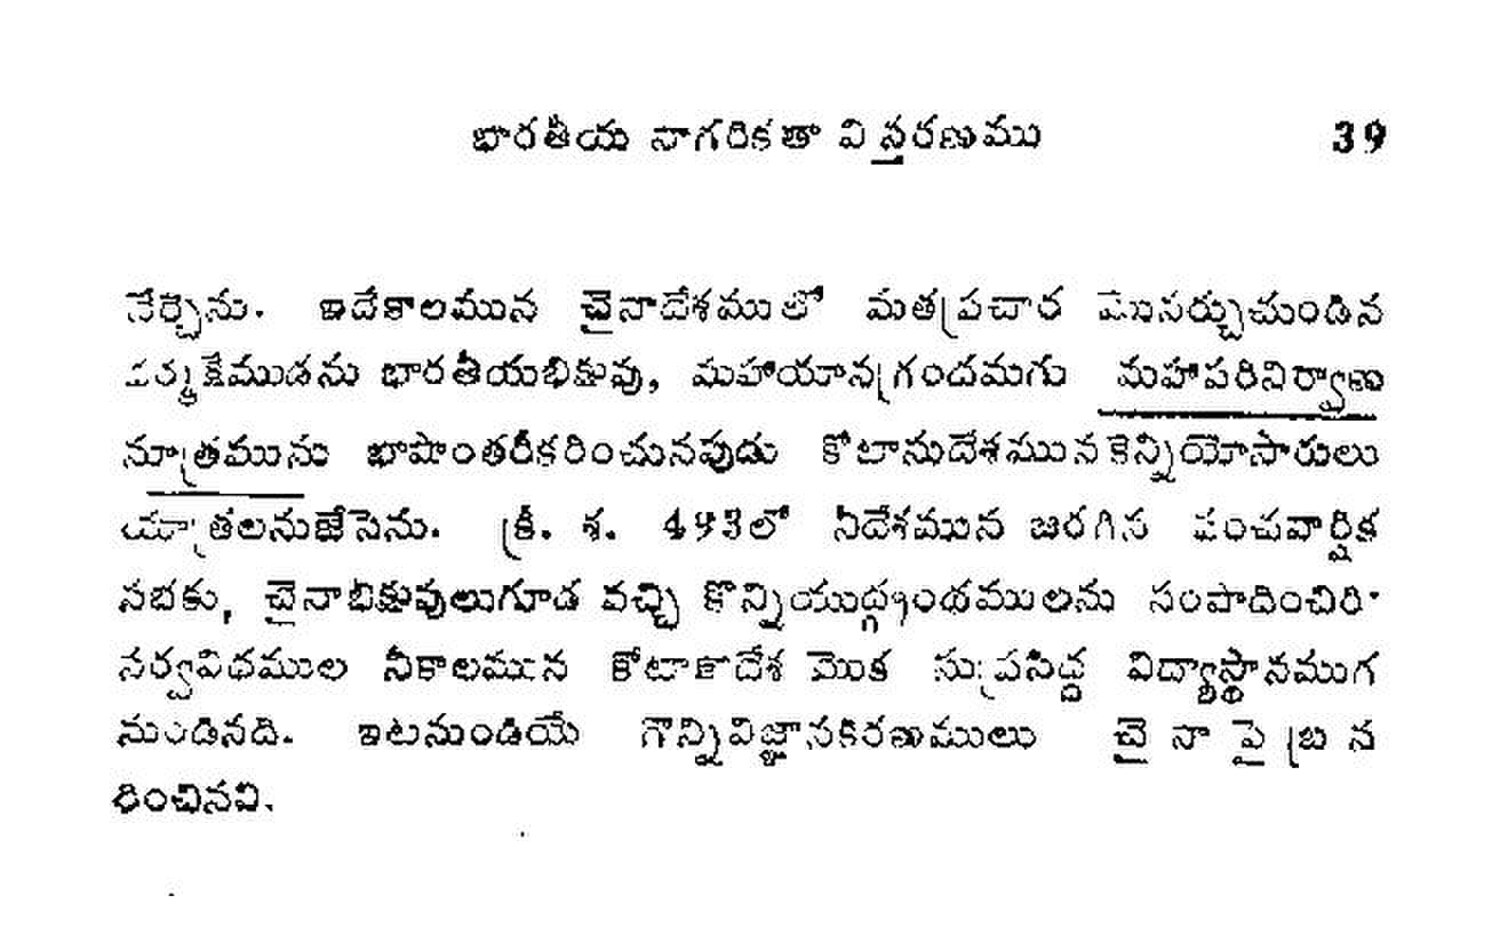నేర్చెను. ఇదేకాలమున చైనాదేశములో మతప్రచార మొనర్చుచుండిన ధర్మక్షేముడను భారతీయభిక్షువు, మహాయాన గ్రంథమగు మహాపరినిర్వాణ సూత్రమును భాషాంతరీకరించునపుడు కోటానుదేశమున కెన్నియోసారులు యాత్రలనుజేసెను. క్రీ. శ. 493 లో నీదేశమున జరగిన పంచవార్షిక సభకు, చైనాభిక్షువులుగూడ వచ్చి కొన్ని యుద్గ్రంథములను సంపాదించిరి. సర్వవిధముల నీకాలమున కోటాన్‌దేశ మొక సుప్రసిద్ద విద్యాస్థానముగ నుండినది. ఇటనుండియే గొన్నివిజ్ఞానకిరణములు చైనాపైబ్రసరించినవి.